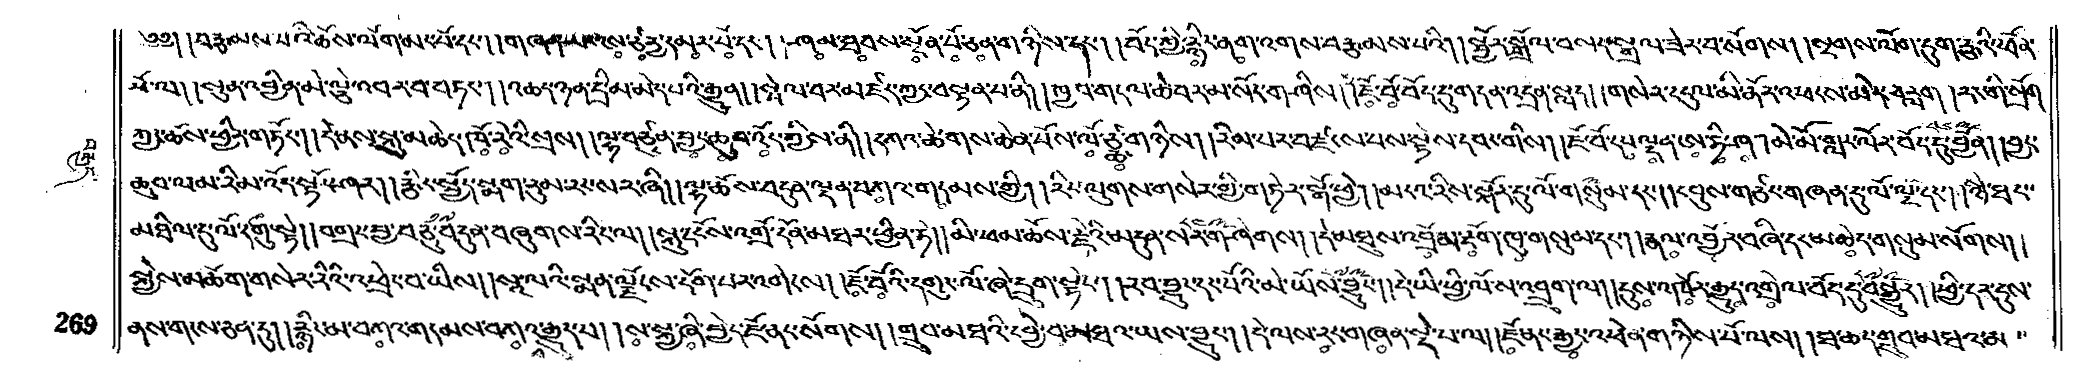༄༅། །བརྩམས་པའི་ཆོས་ལོག་མང་པོ་དང་། །གཞན་ཡངས?་ཙརྱ་དམར་པོ་དང་། །ཤམ་ཐབས་སྔོན་པོ་ཅན་གཉིས་དང་། །བོད་ཀྱི་རྙིང་ནག་འགས་བརྩམས་པའི། །སྦྱོར་སྒྲོལ་བསད་སྒྲལ་ཟེར་བ་སོགས། །སྔགས་ལོག་དུག་རྩའི་ཕོན་
པོ་ལ། །སུན་འབྱིན་མེ་ལྕེ་འབར་བ་བཏང་། །འཆད་ཉན་དྲི་མ་མེད་པའི་རྒྱུན། །སྤེལ་བར་མཛད་ཀྱང་བསྟན་པ་ནི། །ཁྱབ་གདལ་ཆེ་བར་མ་སོང་གཤིས། །ཇོ་བོ་བོད་དུ་གདན་འདྲེན་སླད། །གསེར་དངུལ་མི་ནོར་འཕངས་མེད་བརླག །རང་གི་སྲོག་
ཀྱང་ཆོས་ཕྱིར་གཏོང་། །དེ་ནས་སྐུ་མཆེད་ཁོ་རེའི་སྲས། །ལྷ་བཙུན་བྱང་ཆུབ་འོད་ཀྱིས་ནི། །དཀའ་ཚེགས་ཆེན་པོས་ལོ་ཙྪ་གཉིས། །རིམ་པར་བརྫངས་པས་སྟེས་དབང་གིས། །ཇོ་བོ་དཔལ་ལྡན་ཨ་ཏི་ཤར?་མེ་མོ་གླང་ལོར་བོད་དུ་བྱོན། །བྱང་
ཆུབ་ལམ་རིམ་འོད་སྟོང་ཤར། །རྩིར་སྤྱོད་སྨག་རུམ་རང་སར་ཞི། །ལྷ་ཆོས་བདུན་ལྡན་བཀའ་གདམས་གྱི། །རིང་ལུགས་གསེར་གྱི་གཏེར་སྒོ་ཕྱེ། །མངའ་རིས་སྐོར་དུ་ལོ་གསུམ་དང་། །དབུས་གཙང་གཞན་དུ་ལོ་ལྔོ་དང་། །སྙེ་ཐང་
མཐིལ་དུ་ལོ་དགུ་སྟེ། །བགྲང་བྱ་བཅུ་བདུན་བཞུགས་རིང་ལ། །སྐུ་དངོས་འགྲོ་དོན་མཐར་ཕྱིན་ཏེ། །མི་ཕམ་ཆོས་རྗེའི་མདུན་སར་གཤེགས། །དེ་མཐུས་འབྲོམ་རྡོག་ཁུ་གསུམ་དང་། །རྣལ་འབྱོར་བཞི་དང་མཆེད་གསུམ་སོགས། །
སྐྱེས་མཆོག་གསེར་རིའི་འཕྲེང་བ་ཡིས། །སཱ་ལའི་སྨན་ལྗོངས་དོག་པར་འགེངས། །ཇོ་བོའི་དགུང་ལོ་ཞེ་དྲུག་སྟེང་། །རབ་བྱུང་དང་པོའི་མེ་ཡོས་བྱུང་། །དེ་ཡི་ཕྱི་ལོ་ས་འབྲུག་ལ། །དུས་འཁོར་རྒྱུད་འགྲེལ་བོད་དུ་བསྒྱུར། །ཕྱི་དར་དུས་
ནས་གངས་ཅན་དུ། །རྙིང་མ་བཀའ་གདམས་བཀའ་རྒྱུད་པ། །ས་སྐྱ་ཞི་བྱེད་ཇོ་ནང་སོགས། །གྲུབ་མཐའི་དབྱེ་བ་མཐའ་ཡས་བྱུང་། །དེ་ལས་རང་གཞན་སྡེ་པ་ལ། །ཇོ་ནང་རྒྱང་འཕེན་གཉིས་པོ་ལས། །ཐ་ཆད་གྲུབ་མཐའ་མ་